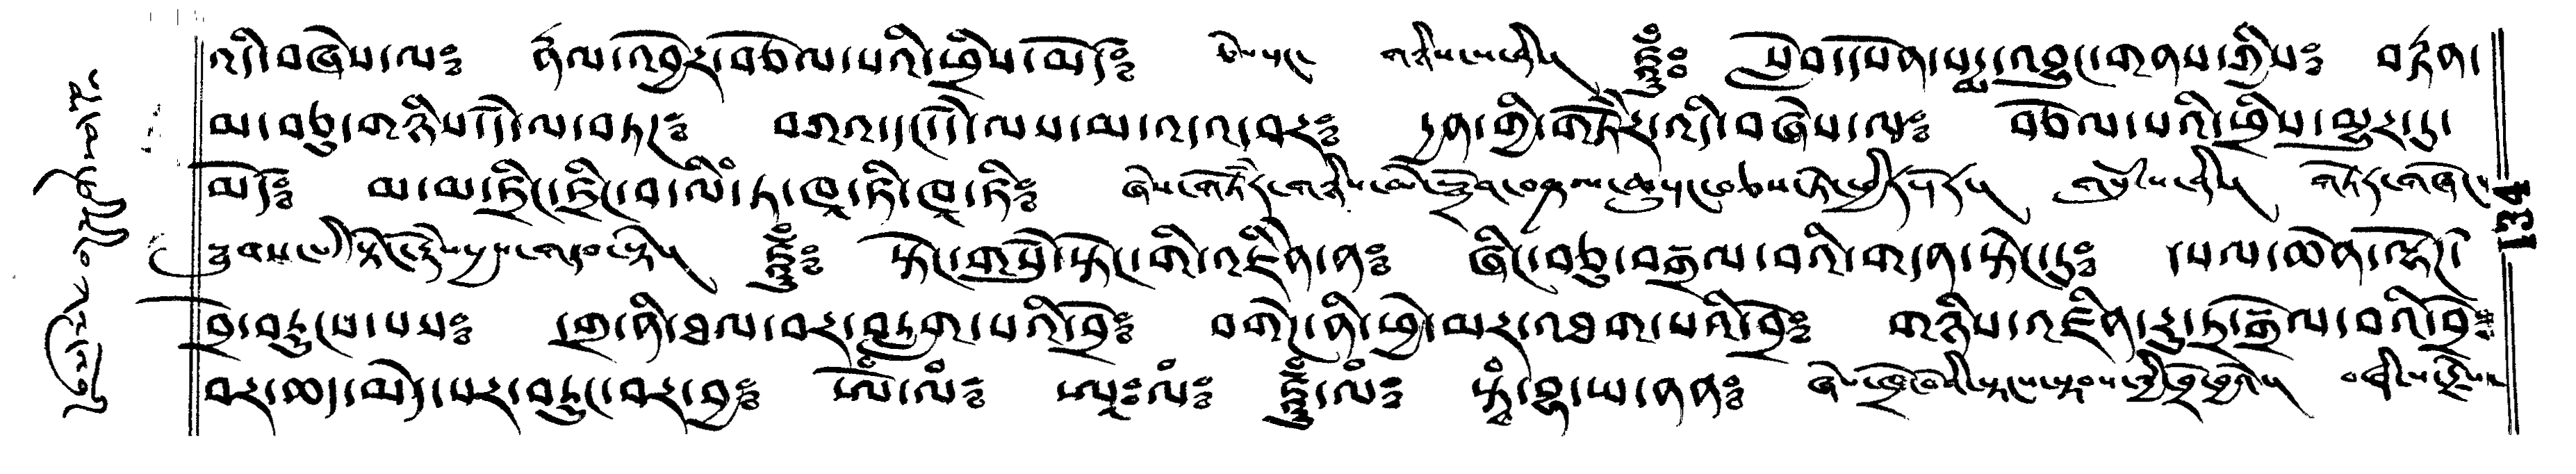འདི་བཞེས་ལ༔ རྣལ་འབྱོར་བཅོལ་པའི་ཕྲིན་ལས་མཛོད༔ ཅེས་དང་། གཉིས་པ་ནི། ཧཱུྃ༔ སློབ་དཔོན་པདྨ་འབྱུང་གནས་ཀྱིས༔ བརྟན་
མ་བཅུ་གཉིས་དམ་ལ་བཏགས༔ བཀའ་དམ་དམ་ལས་མ་འདའ་བར༔ རྒྱན་གྱི་གཏོར་མ་འདི་བཞེས་ལ༔ བཅོལ་པའི་ཕྲིན་ལས་མྱུར་དུ་
མཛོད༔ མ་མ་ཧྲིང་ཧྲིང་བ་ལིཾ་ཏ་ཁཱ་ཧི་ཁཱ་ཧིཿ ཞེས་གཏོར་མ་གཉིས་མེ་སྒྲོན་བཤལ་ཆུ་དང་བཅས་ཏེ་ཕྱིར་དོར།གསུམ་པ་ནི། གཏོར་གཞོང་
སྦུབས་པའི་སྟེང་རྡོ་རྗེས་རྒྱས་གཏབ་སྟེ། ཧཱུྃ༔ སྟོང་གསུམ་སྟོང་གི་འཇིག་རྟེན་ན༔ ཞིང་བཅུ་བསྒྲལ་བའི་གདན་སྟེང་དུ༔ དཔལ་ཆེན་ལྷ་ཚོགས་
བྲོ་བརྡུངས་པས༔ དགྲ་ནི་ཐལ་བར་བརླག་པའི་བྲོ༔ བགེགས་ནི་ཕྱེ་མར་འཐག་པའི་བྲོ༔ གཉིས་འཛིན་རུ་ཏྲ་སྒྲོལ་བའི་བྲོ༔ 
བར་ཆད་མེད་པར་བརྡུང་བར་བྱ༔ ཨོཾ་ལཾ༔ ཨཱཿལཾ༔ ཧཱུྃ་ལཾ༔ སྟྭཾ་བྷ་ཡ་ནན༔ ཞེས་ཁྲོ་བོའི་སྟངས་སྟབས་ཀྱིས་བྲོ་བྱའོ། བཞི་པ་རྗེས་